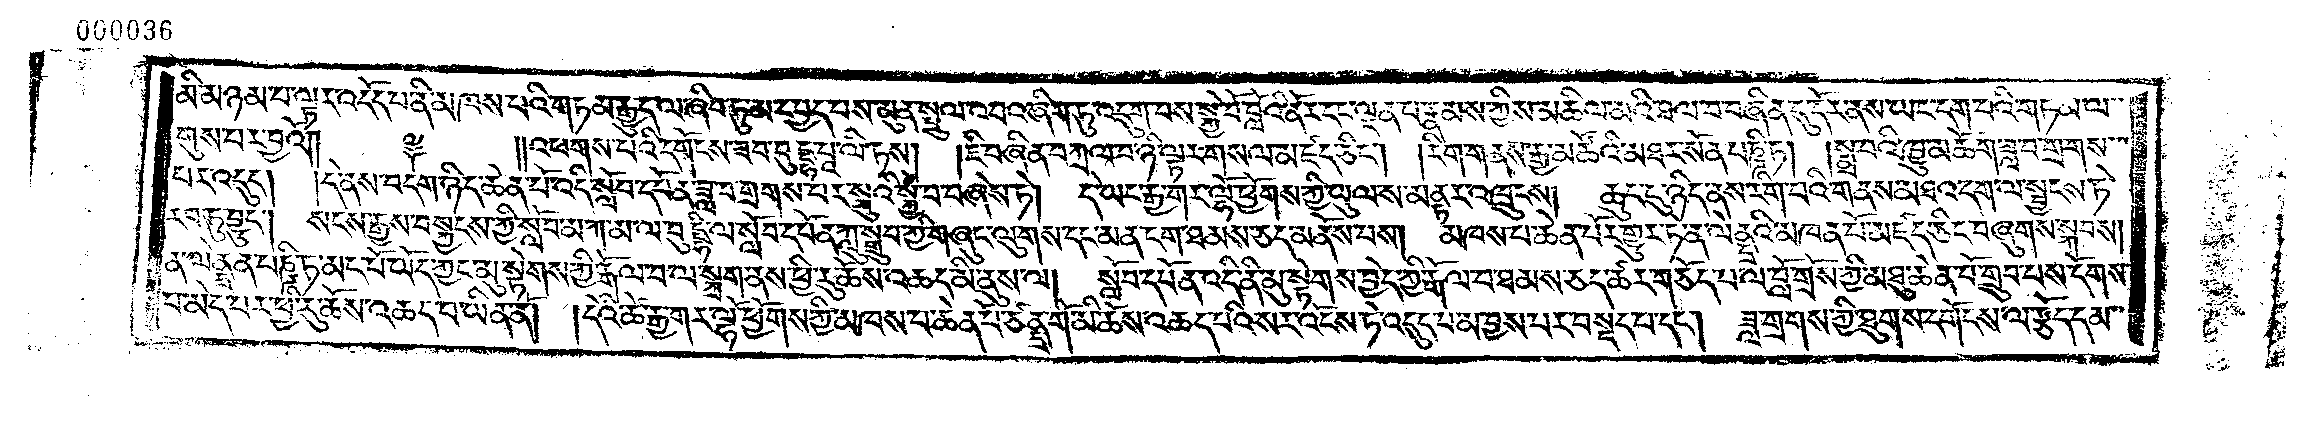མི་མཉམ་པ་ལྟར་འདོད་པ་ནི་མཁས་པའི་གཏམ་རྒྱུད་ལ་ཞིབ་ཏུ་མ་དཔྱད་པས་མུན་སྤྲུལ་འབའ་ཞིག་ཏུ་འདུག་པས་སྐྱེ་བོ་བློའི་ནོར་དང་ལྡན་པ་རྣམས་ཀྱིས་མཆིལ་མའི་ཐལ་བ་བཞིན་དུ་དོར་ནས་ཡང་དག་པའི་གཏམ་ལ་
གུས་པར་བྱའོ།། ༈ །།འཕགས་པའི་དགོངས་ཟབ་བུདྡྷ་པཱ་ལི་ཏས། །ཇི་བཞིན་བཀྲལ་བ་ཉི་ལྟར་གསལ་མཛད་ཅིང་། །རིག་གནས་རྒྱ་མཚོའི་མཐར་སོན་པཎྜི་ཏ། །སྨྲ་བའི་ཁྱུ་མཆོག་ཟླ་བ་གྲགས་
པར་འདུད། །དེ་ནས་བདག་ཉིད་ཆེན་པོ་འདི་སློབ་དཔོན་ཟླ་བ་གྲགས་པར་སྐུའི་སྐྱེ་བ་བཞེས་ཏེ། དེ་ཡང་རྒྱ་གར་ལྷོ་ཕྱོགས་ཀྱི་ཡུལ་ས་མནྟར་འཁྲུངས། ཆུང་དུ་ཉིད་ནས་རིག་པའི་གནས་མཐའ་དག་ལ་སྦྱངས་ཏེ་
རབ་ཏུ་བྱུང་། སངས་རྒྱས་བསྐྱངས་ཀྱི་སློབ་མ་ཀ་མ་ལ་བུདྡྷི་ལ་སློབ་དཔོན་ཀླུ་སྒྲུབ་ཀྱི་གཞུང་ལུགས་དང་མན་ངག་ཐམས་ཅད་མནོས་པས། མཁས་པ་ཆེན་པོར་གྱུར་ཏེ་ན་ལེནྡྲའི་མཁན་པོ་མཛད་ཅིང་བཞུགས་སྐབས།
ན་ལེནྡྲ་ན་པཎྜི་ཏ་མང་པོ་ཡོད་ཀྱང་མུ་སྟེགས་ཀྱི་རྒོལ་བ་ལ་སྐྲག་ནས་ཕྱི་རུ་ཆོས་འཆད་མི་ནུས་ལ། སློབ་དཔོན་འདི་ནི་མུ་སྟེགས་བྱེད་ཀྱི་རྒོལ་བ་ཐམས་ཅད་ཚར་གཅོད་པ་ལ་བློ་གྲོས་ཀྱི་མཐུ་ཆེན་པོ་གྲུབ་པས་དོགས་
པ་མེད་པར་ཕྱི་རུ་ཆོས་འཆད་པ་ཡིན་ནོ། །དེའི་ཚེ་རྒྱ་གར་ལྷོ་ཕྱོགས་ཀྱི་མཁས་པ་ཆེན་པོ་ཙནྡྲ་གོ་མི་ཆོས་འཆད་པའི་སར་འོངས་ཏེ་འདུད་པ་མ་བྱས་པར་བསྡད་པ་དང་། ཟླ་གྲགས་ཀྱི་ཐུགས་དགོངས་ལ་རྩོད་དམ་